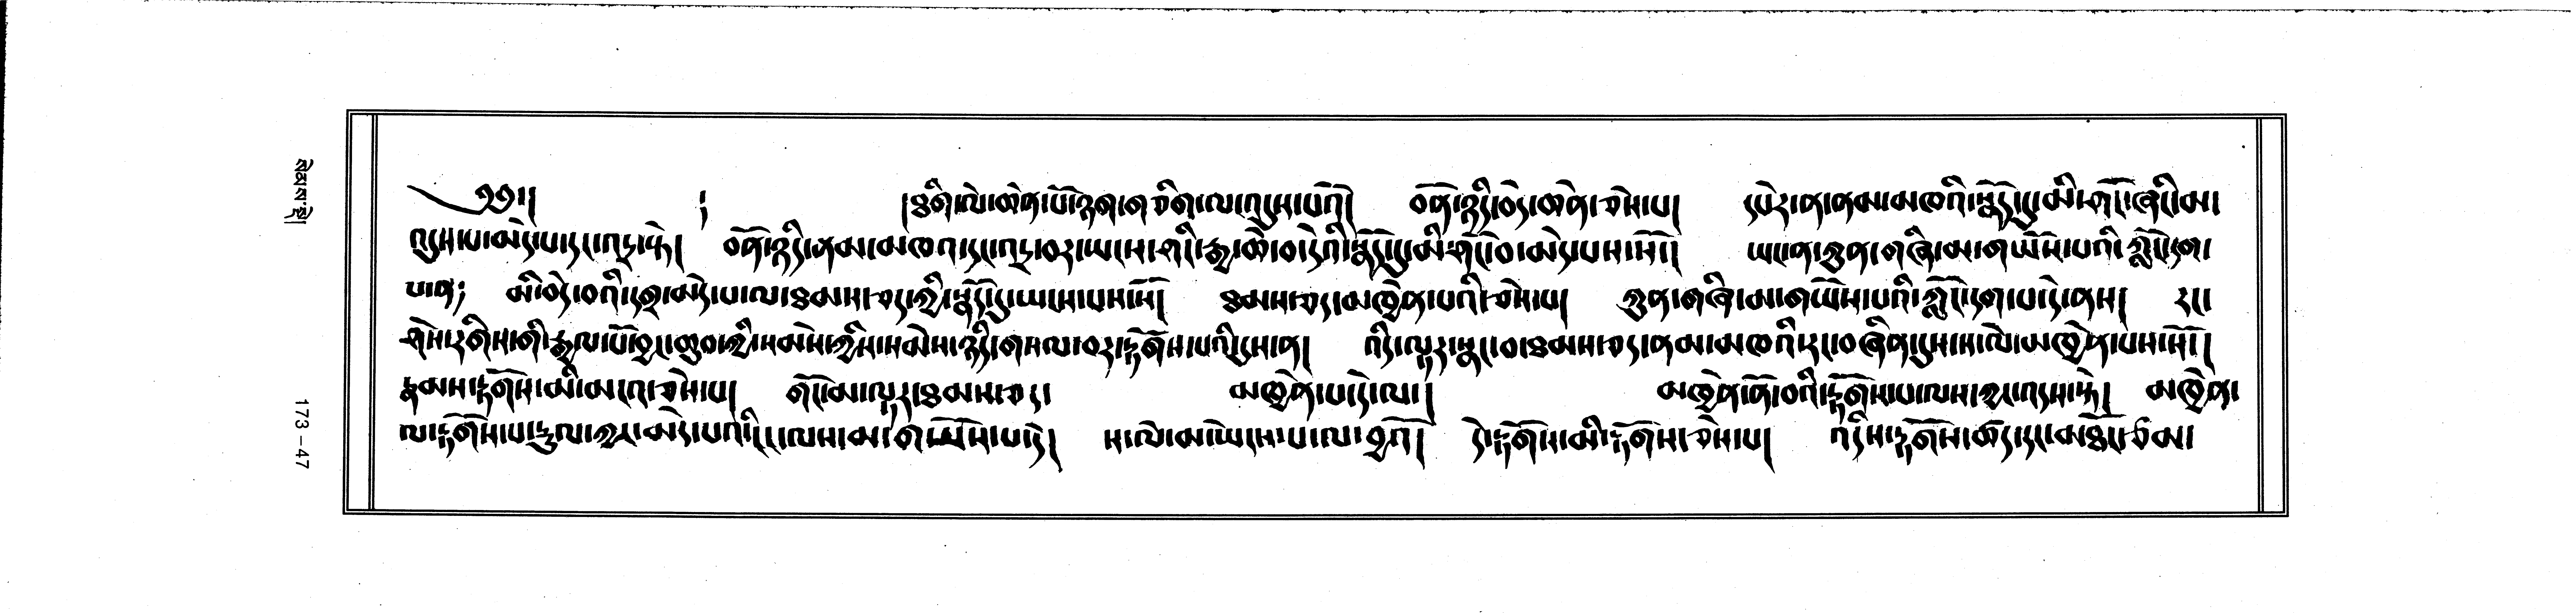ཐིག་ལེ་ཆེན་པོ་ཉག་གཅིག་ལ་འདུས་པའོ། །བོན་ཉིད་བདེ་ཆེན་ཅེས་པ། དཔེར་ན་ནམ་མཁའི་སྣོད་དུ་མི་ཤོང་ཞིང་མ་
འདུས་པ་མེད་པ་དང་འདྲ་སྟེ། བོན་ཉིད་ནམ་མཁའ་དང་འདྲ་བར་ཡངས་ཤིང་རྒྱ་ཆེ་བ་དེའི་སྣོད་དུ་མི་ཤོང་བ་མེད་པས་སོ། །ཡང་ན་ཀུན་གཞི་མ་གཡོས་པའི་ཀློང་དག་
པ་ན། མི་བདེ་བའི་དགྲ་མེད་པ་ལ་ཐམས་ཅད་ཀྱི་སྣོད་དུ་ཡངས་པས་སོ། །ཐམས་ཅད་མཁྱེན་པའི་ཅེས་པ། ཀུན་གཞི་མ་གཡོས་པའི་ཀློང་དག་པ་དེ་ནས། རང་
ཤེས་རིག་རྒྱལ་པོ་བྱང་ཆུབ་ཀྱི་སེམས་ཀྱིས་སེམས་ཉིད་གསལ་བར་རྟོགས་པའི་དུས་ན། འདི་ལྟར་སྣང་བ་ཐམས་ཅད་ནམ་མཁའི་རང་བཞིན་དུ་སལེ་མཁྱེན་པས་སོ། །
རྣམ་རྟོག་མི་མངའ་ཅེས་པ། གོང་མ་ལྟར་ཐམས་ཅད་མཁྱེན་པ་དེ་ལ། མཁྱེན་ནོ་བའི་རྟོགས་པ་དེ་ལས་ཀྱང་འདས་ཏེ། མཁྱེན་
ལ་རྟོག་པ་རྡུལ་ཀྱང་མེད་པའི་ངང་ལས་མ་གཡོས་པ་དེ། ས་ལེ་མ་ཡེངས་པ་ལ་བྱའོ། །དེ་རྟོགས་མི་རྟོགས་ཅེས་པ། འདིས་རྟོགས་ཚད་དང་མཐོང་ཙམ་